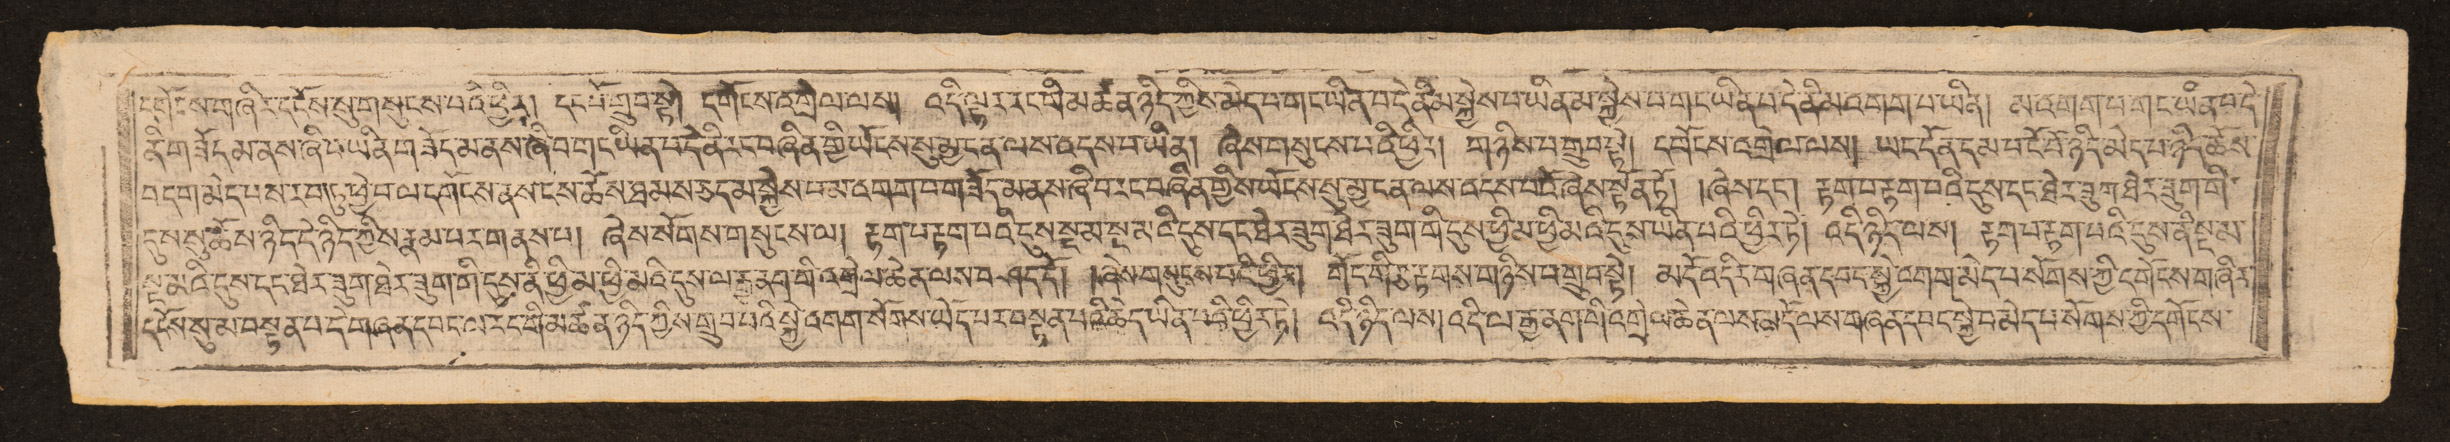དགོངས་གཞིར་དངོས་སུ་གསུངས་པའི་ཕྱིར། དང་པོ་གྲུབ་སྟེ། དགོངས་འགྲེལ་ལས། འདི་ལྟར་རང་གི་མཚན་ཉིད་ཀྱིས་མེད་པ་གང་ཡིན་པ་དེ་ནི་མ་སྐྱེས་པ་ཡིན་མ་སྐྱེས་པ་གང་ཡིན་པ་དེ་ནི་མ་འགག་པ་ཡིན། མ་འགག་པ་གང་ཡིན་པ་དེ་
ནི་གཟོད་མ་ནས་ཞི་བ་ཡིན་གཟོད་མ་ནས་ཞི་བ་གང་ཡིན་པ་དེ་ནི་རང་བཞིན་གྱི་ཡོངས་སུ་མྱ་ངན་ལས་འདས་པ་ཡིན། ཞེས་གསུངས་པའི་ཕྱིར། གཉིས་པ་གྲུབ་སྟེ། དགོངས་འགྲེལ་ལས། ཡང་དོན་དམ་པ་ངོ་བོ་ཉིད་མེད་པ་ཉིད་ཆོས་
བདག་མེད་པས་རབ་ཏུ་ཕྱེ་བ་ལ་དགོངས་ནས་ངས་ཆོས་ཐམས་ཅད་མ་སྐྱེས་པ་མ་འགག་པ་གཟོད་མ་ནས་ཞི་བ་རང་བཞིན་གྱིས་ཡོངས་སུ་མྱ་ངན་ལས་འདས་པའོ་ཞེས་སྟོན་ཏོ། །ཞེས་དང་། རྟག་པ་རྟག་པའི་དུས་དང་ཐེར་ཟུག་ཐེར་ཟུག་གི་
དུས་སུ་ཆོས་ཉིད་དེ་ཉིད་ཀྱིས་རྣམ་པར་གནས་པ། ཞེས་སོགས་གསུངས་ལ། རྟག་པ་རྟག་པའི་དུས་སྔ་མ་སྔ་མའི་དུས་དང་ཐེར་ཟུག་ཐེར་ཟུག་གི་དུས་ཕྱི་མ་ཕྱི་མའི་དུས་ཡིན་པའི་ཕྱིར་ཏེ། འདི་ཉིད་ལས། རྟག་པ་རྟག་པའི་དུས་ནི་སྔ་མ་
སྔ་མའི་དུས་དང་ཐེར་ཟུག་ཐེར་ཟུག་གི་དུས་ནི་ཕྱི་མ་ཕྱི་མའི་དུས་ལ་རྒྱ་ནག་གི་འགྲེལ་ཆེན་ལས་བཤད་དོ། །ཞེས་གསུངས་པའི་ཕྱིར། གོང་གི་རྩ་རྟགས་གཉིས་པ་གྲུབ་སྟེ། མདོ་འདིར་གཞན་དབང་སྐྱེ་འགག་མེད་པ་སོགས་ཀྱི་དགོངས་གཞིར་
དངོས་སུ་མ་བསྟན་པ་དེ་གཞན་དབང་ལ་རང་གི་མཚན་ཉིད་ཀྱིས་གྲུབ་པའི་སྐྱེ་འགག་སོགས་ཡོད་པར་བསྟན་པའི་ཆེད་ཡིན་པའི་ཕྱིར་ཏེ། འདི་ཉིད་ལས། འདི་ལ་རྒྱ་ནག་གི་འགྲེལ་ཆེན་ལས་མདོ་ལས་གཞན་དབང་སྐྱེ་བ་མེད་པ་སོགས་ཀྱི་དགོངས་